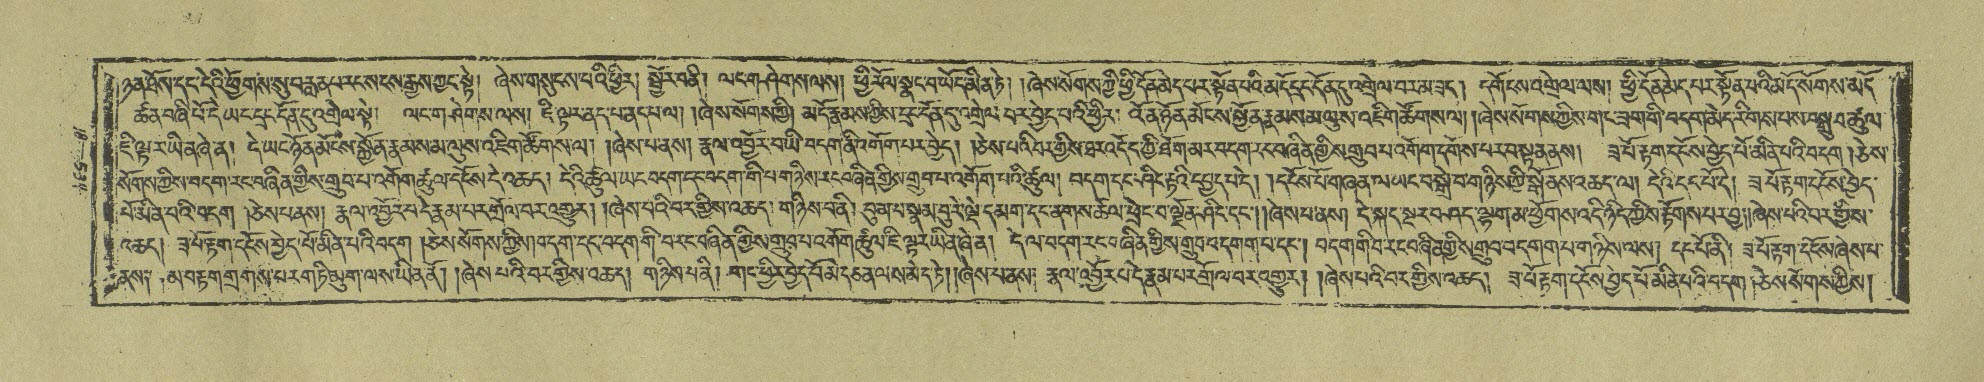ཉན་ཐོས་དང་དེའི་ཕྱགས་སུ་བརླན་པ་རང་སངས་རྒྱས་ཀྱང་སྟེ། ཞེས་གསུངས་པའི་ཕྱིར། སྦྱོར་བ་ནི། ལང་གཤེགས་ལས། ཕྱི་རོལ་སྣང་བ་ཡོད་མིན་ཏེ། །ཞེས་སོགས་ཀྱི་ཕྱི་དོན་མེད་པར་སྟོན་པའི་མདོ་དྲང་དོན་དུ་འགྲེལ་པར་མ་ཟད། དགོངས་འགྲེལ་ལས། ཕྱི་དོན་མེད་པར་སྟོན་པའི་མདོ་སོགས་མདོ་
ཚན་བཞི་པོ་དེ་ཡང་དྲང་དོན་དུ་འགྲེལ་སྟེ། ལང་གཤེགས་ལས། ཇི་ལྟར་ནད་པ་ནད་པ་ལ། །ཞེས་སོགས་ཀྱི། མདོ་རྣམས་ཀྱིས་དྲང་དོན་དུ་འགྲེལ་བར་བྱེད་པའི་ཕྱིར། འོ་ན་ཉོན་མོངས་སྐྱོན་རྣམས་མ་ལུས་འཇིག་ཚོགས་ལ། །ཞེས་སོགས་ཀྱིས་གང་ཟག་གི་བདག་མེད་རིགས་པས་བསྒྲུབ་ཚུལ་
ཇི་ལྟར་ཡིན་ཞེ་ན། དེ་ཡང་ཉོན་མོངས་སྐྱོན་རྣམས་མ་ལུས་འཇིག་ཚོགས་ལ། །ཞེས་པ་ནས། རྣལ་འབྱོར་བ་ཡི་བདག་ནི་འགོག་པར་བྱེད། །ཅེས་པའི་བར་གྱིས་ཐར་འདོད་ཀྱི་ཐོག་མར་བདག་རང་བཞིན་གྱིས་གྲུབ་པ་འགོག་དགོས་པར་བསྟན་ནས། ཟ་པོ་རྟག་དངོས་བྱེད་པོ་མིན་པའི་བདག །ཅེས་
སོགས་ཀྱིས་བདག་རང་བཞིན་གྱིས་གྲུབ་པ་འགོག་ཚུལ་དངོས་དེ་འཆད། དེའི་ཚུལ་ཡང་བདག་དང་བདག་གི་པ་གཉིས་རང་བཞིན་གྱིས་གྲུབ་པ་འགོག་པའི་ཚུལ། བདག་དང་ཤིང་རྟའི་དཔྱད་པ་དེ། །དངོས་པོ་གཞན་ལ་ཡང་བསྒྲེ་བ་གཉིས་ཀྱི་སྒོ་ནས་འཆད་ལ། དེའི་དང་པོ་དེ། ཟ་པོ་རྟག་དངོས་བྱེད་
པོ་མིན་པའི་བདག །ཅེས་པ་ནས། རྣལ་འབྱོར་པ་དེ་རྣམ་པར་གྲོལ་བར་འགྱུར། །ཞེས་པའི་བར་གྱིས་འཆད། གཉིས་པ་ནི། བུམ་པ་སྣམ་བུ་རེ་ལྡེ་དམག་དང་ནགས་ཚལ་ཕྲེང་བ་ལྗོན་ཤིང་དང་། །ཞེས་པ་ནས། དེ་སྐད་སྔར་བཤད་ལྷག་མ་ཕྱོགས་འདི་ཉིད་ཀྱིས་རྟོགས་པར་བྱ། །ཞེས་པའི་བར་གྱིས་
འཆད། ཟ་བོ་རྟག་དངོས་བྱེད་པོ་མིན་པའི་བདག །ཅེས་སོགས་ཀྱིས། བདག་དང་བདག་གི་བ་རང་བཞིན་གྱིས་གྲུབ་པ་འགོག་ཚུལ་ཇི་ལྟར་ཡིན་ཞེ་ན། དེ་ལ་བདག་རང་བཞིན་གྱིས་གྲུབ་པ་དགག་པ་དང་། བདག་གི་བ་རང་བཞིན་གྱིས་གྲུབ་པ་དགག་པ་གཉིས་ལས། དང་པོ་ནི། ཟ་པོ་རྟག་དངོས་ཞེས་པ་
ནས། །མ་བརྟག་གྲགས་པར་གཏི་མུག་ལས་ཡིན་ནོ། །ཞེས་པའི་བར་གྱིས་འཆད། གཉིས་པ་ནི། གང་ཕྱིར་བྱེད་པོ་མེད་ཅན་ལས་མེད་དེ། །ཞེས་པ་ནས། རྣལ་འབྱོར་པ་དེ་རྣམ་པར་གྲོལ་བར་འགྱུར། །ཞེས་པའི་བར་གྱིས་འཆད། ཟ་པོ་རྟག་དངོས་བྱེད་པོ་མིན་པའི་བདག །ཅེས་སོགས་ཀྱིས།